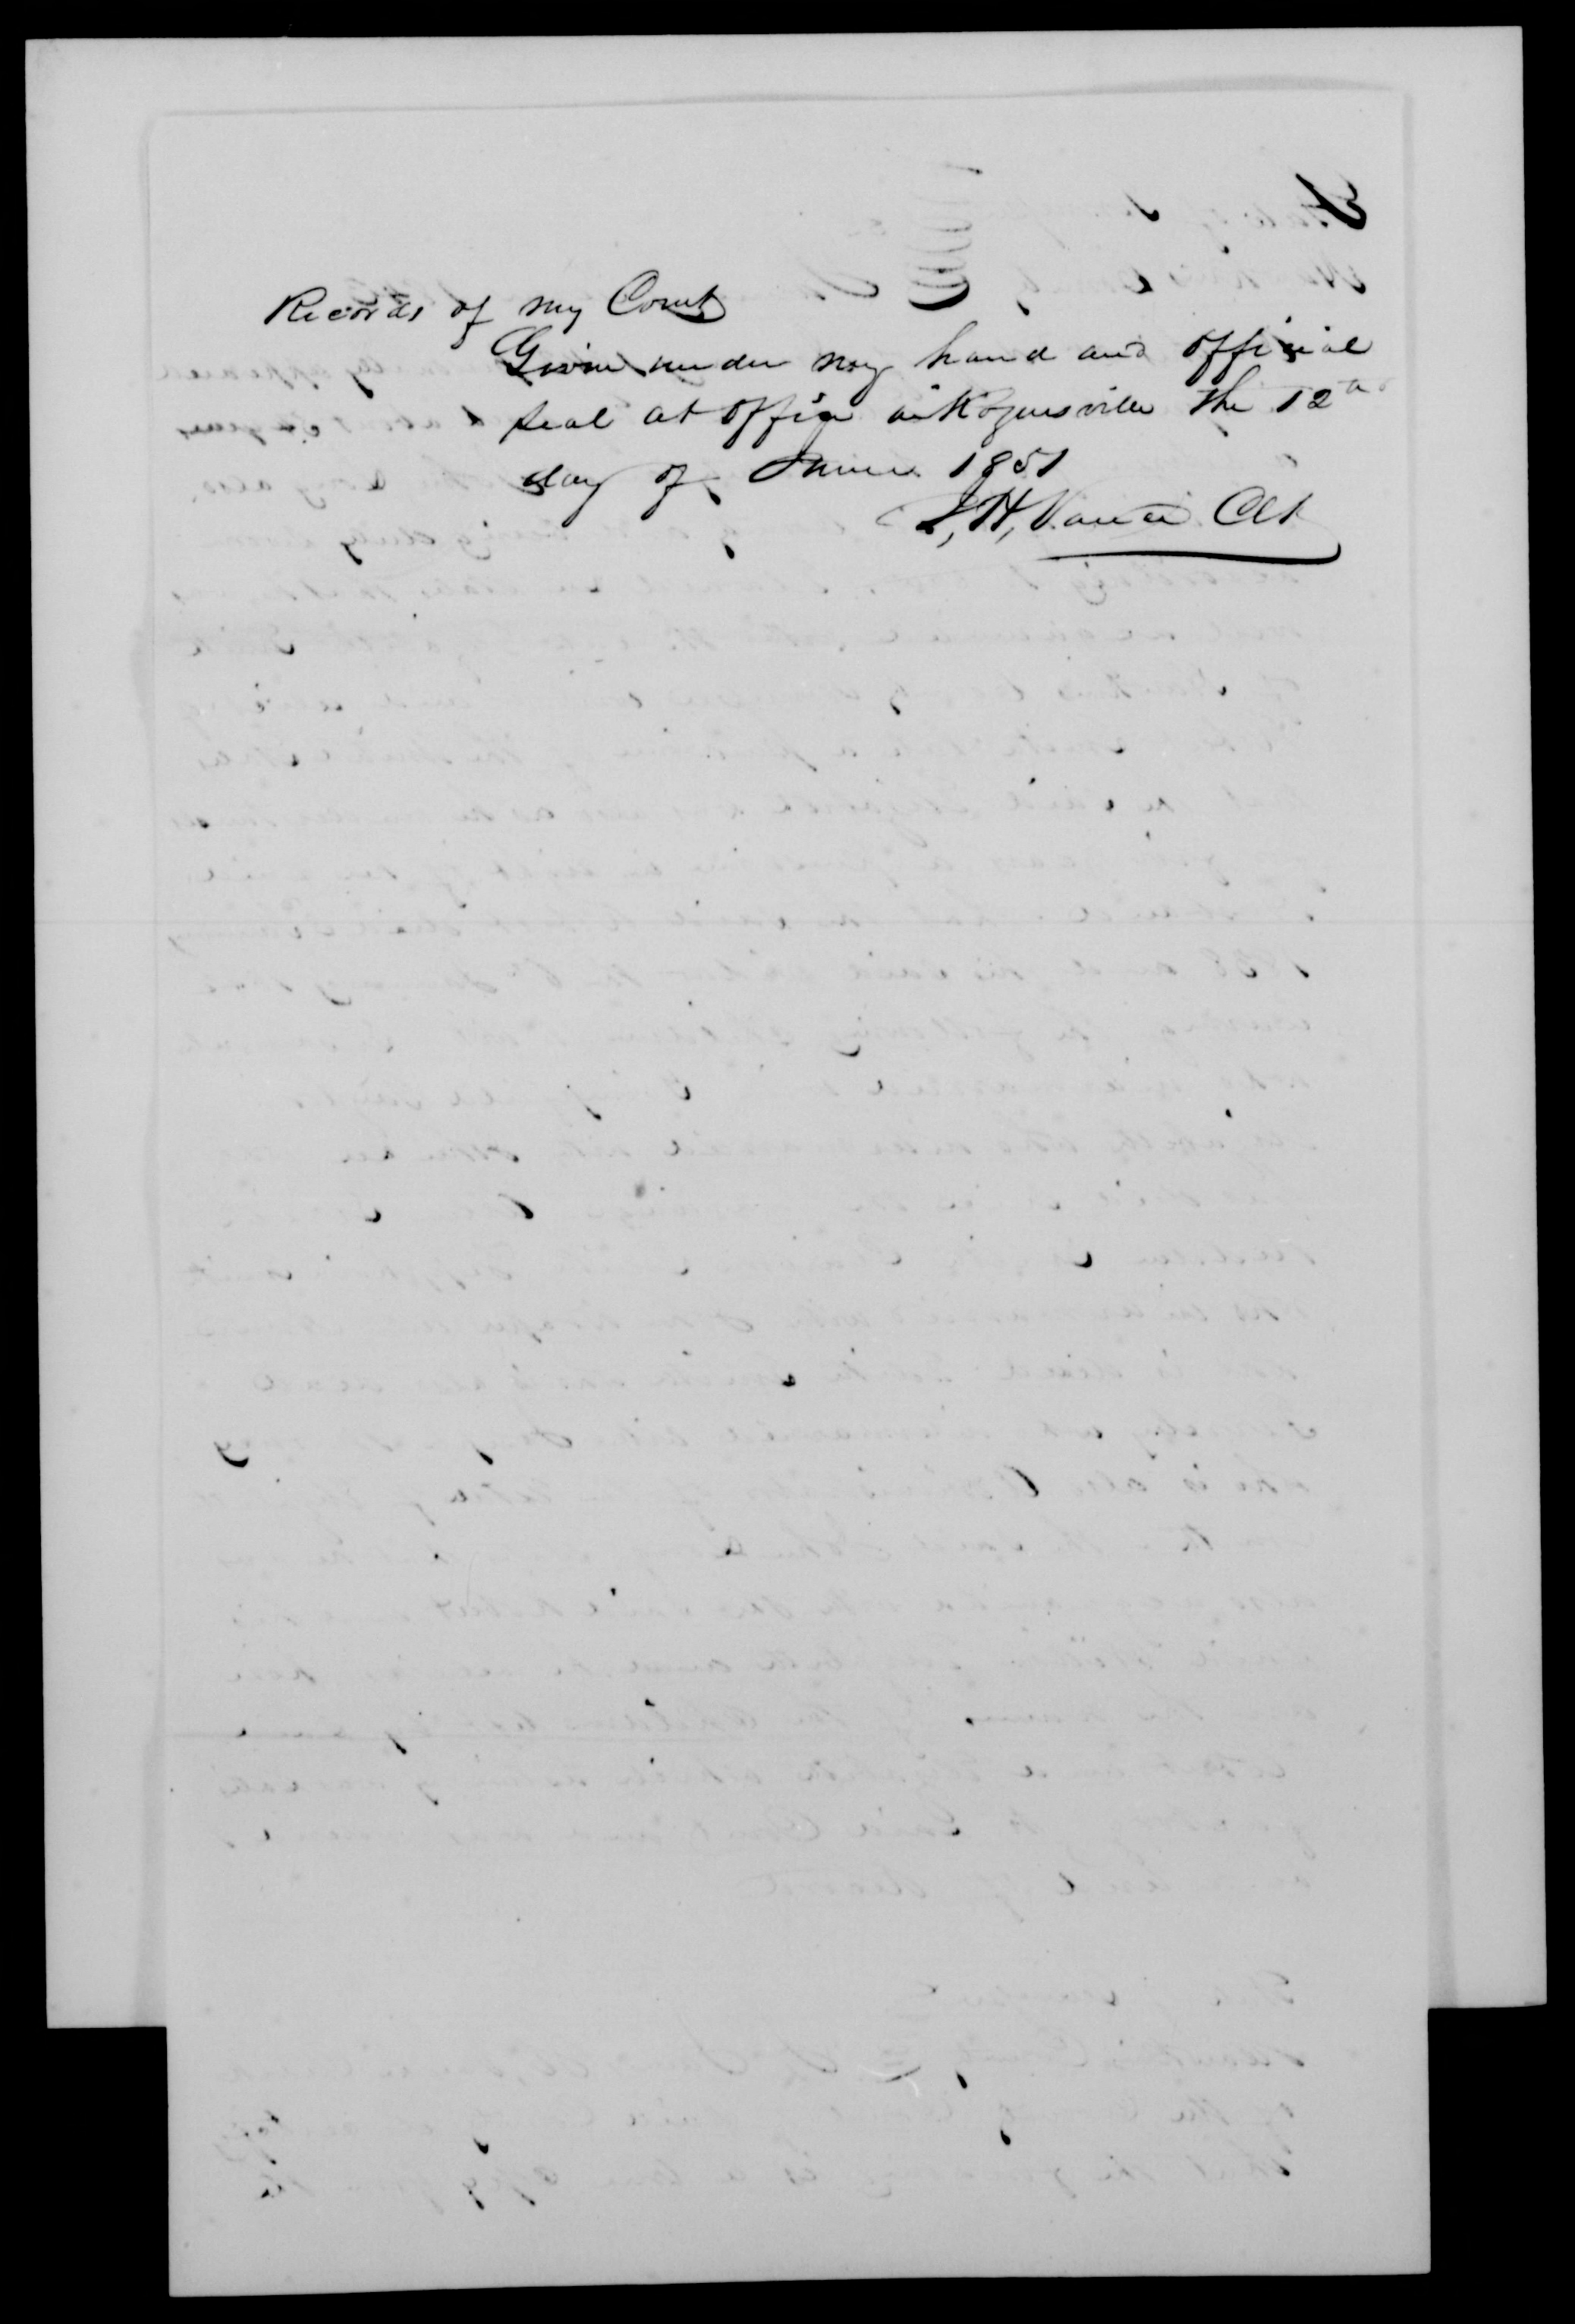Records of my Court
Given under my hand and official
seal at office in Rogersville the 12th
day of Jan 1857
J H. Vance Clk
-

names: J H Vance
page: 45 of 79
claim: widow's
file: W. 1504, for Robert Smith, North Carolina